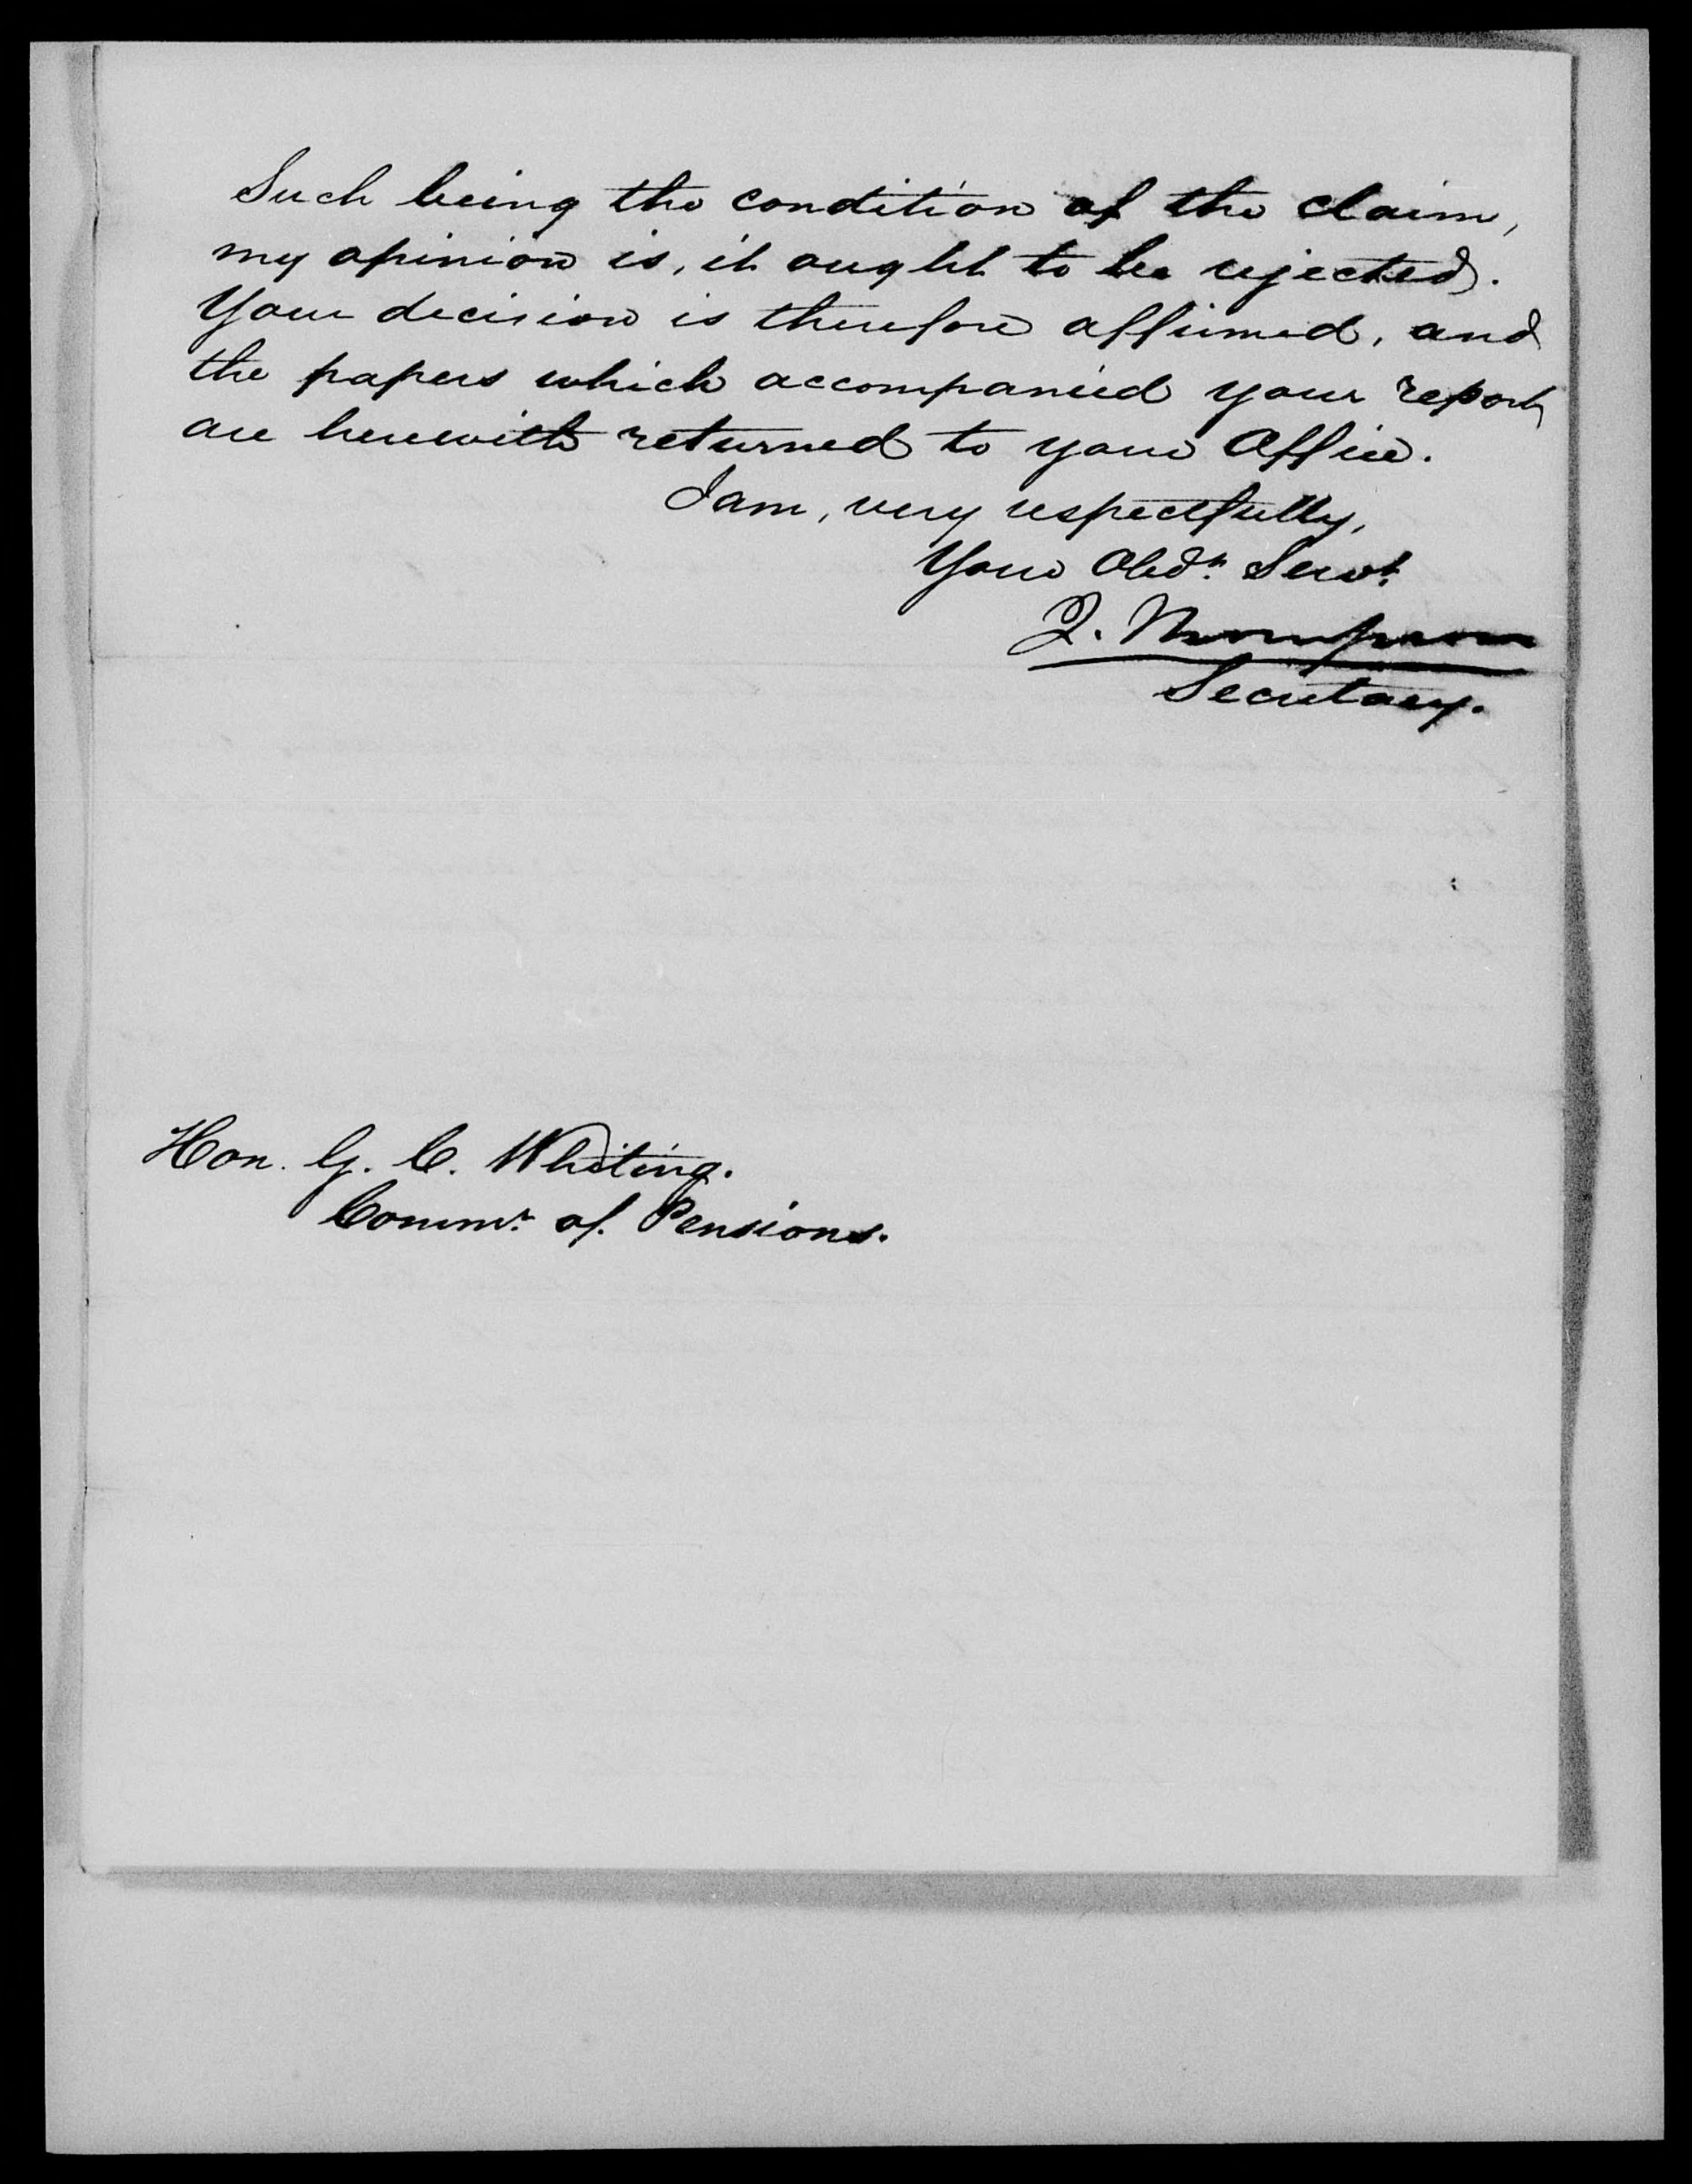Such being the condition of the claim, my opinion is, it ought to be rejected. Your decision is therefore affirmed, and the papers which accompanied your reports are herewith returned to your Office. 
I am, very respectfully, 
Your Obedt. Servt. 
[signed] J. Thompson Secretary.

Hon G. C. Whiting 
Commr. of Pensions.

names: J Thompson; G C Whiting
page: 25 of 44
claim: rejected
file: R. 17,033, for Joseph Perkins, New York